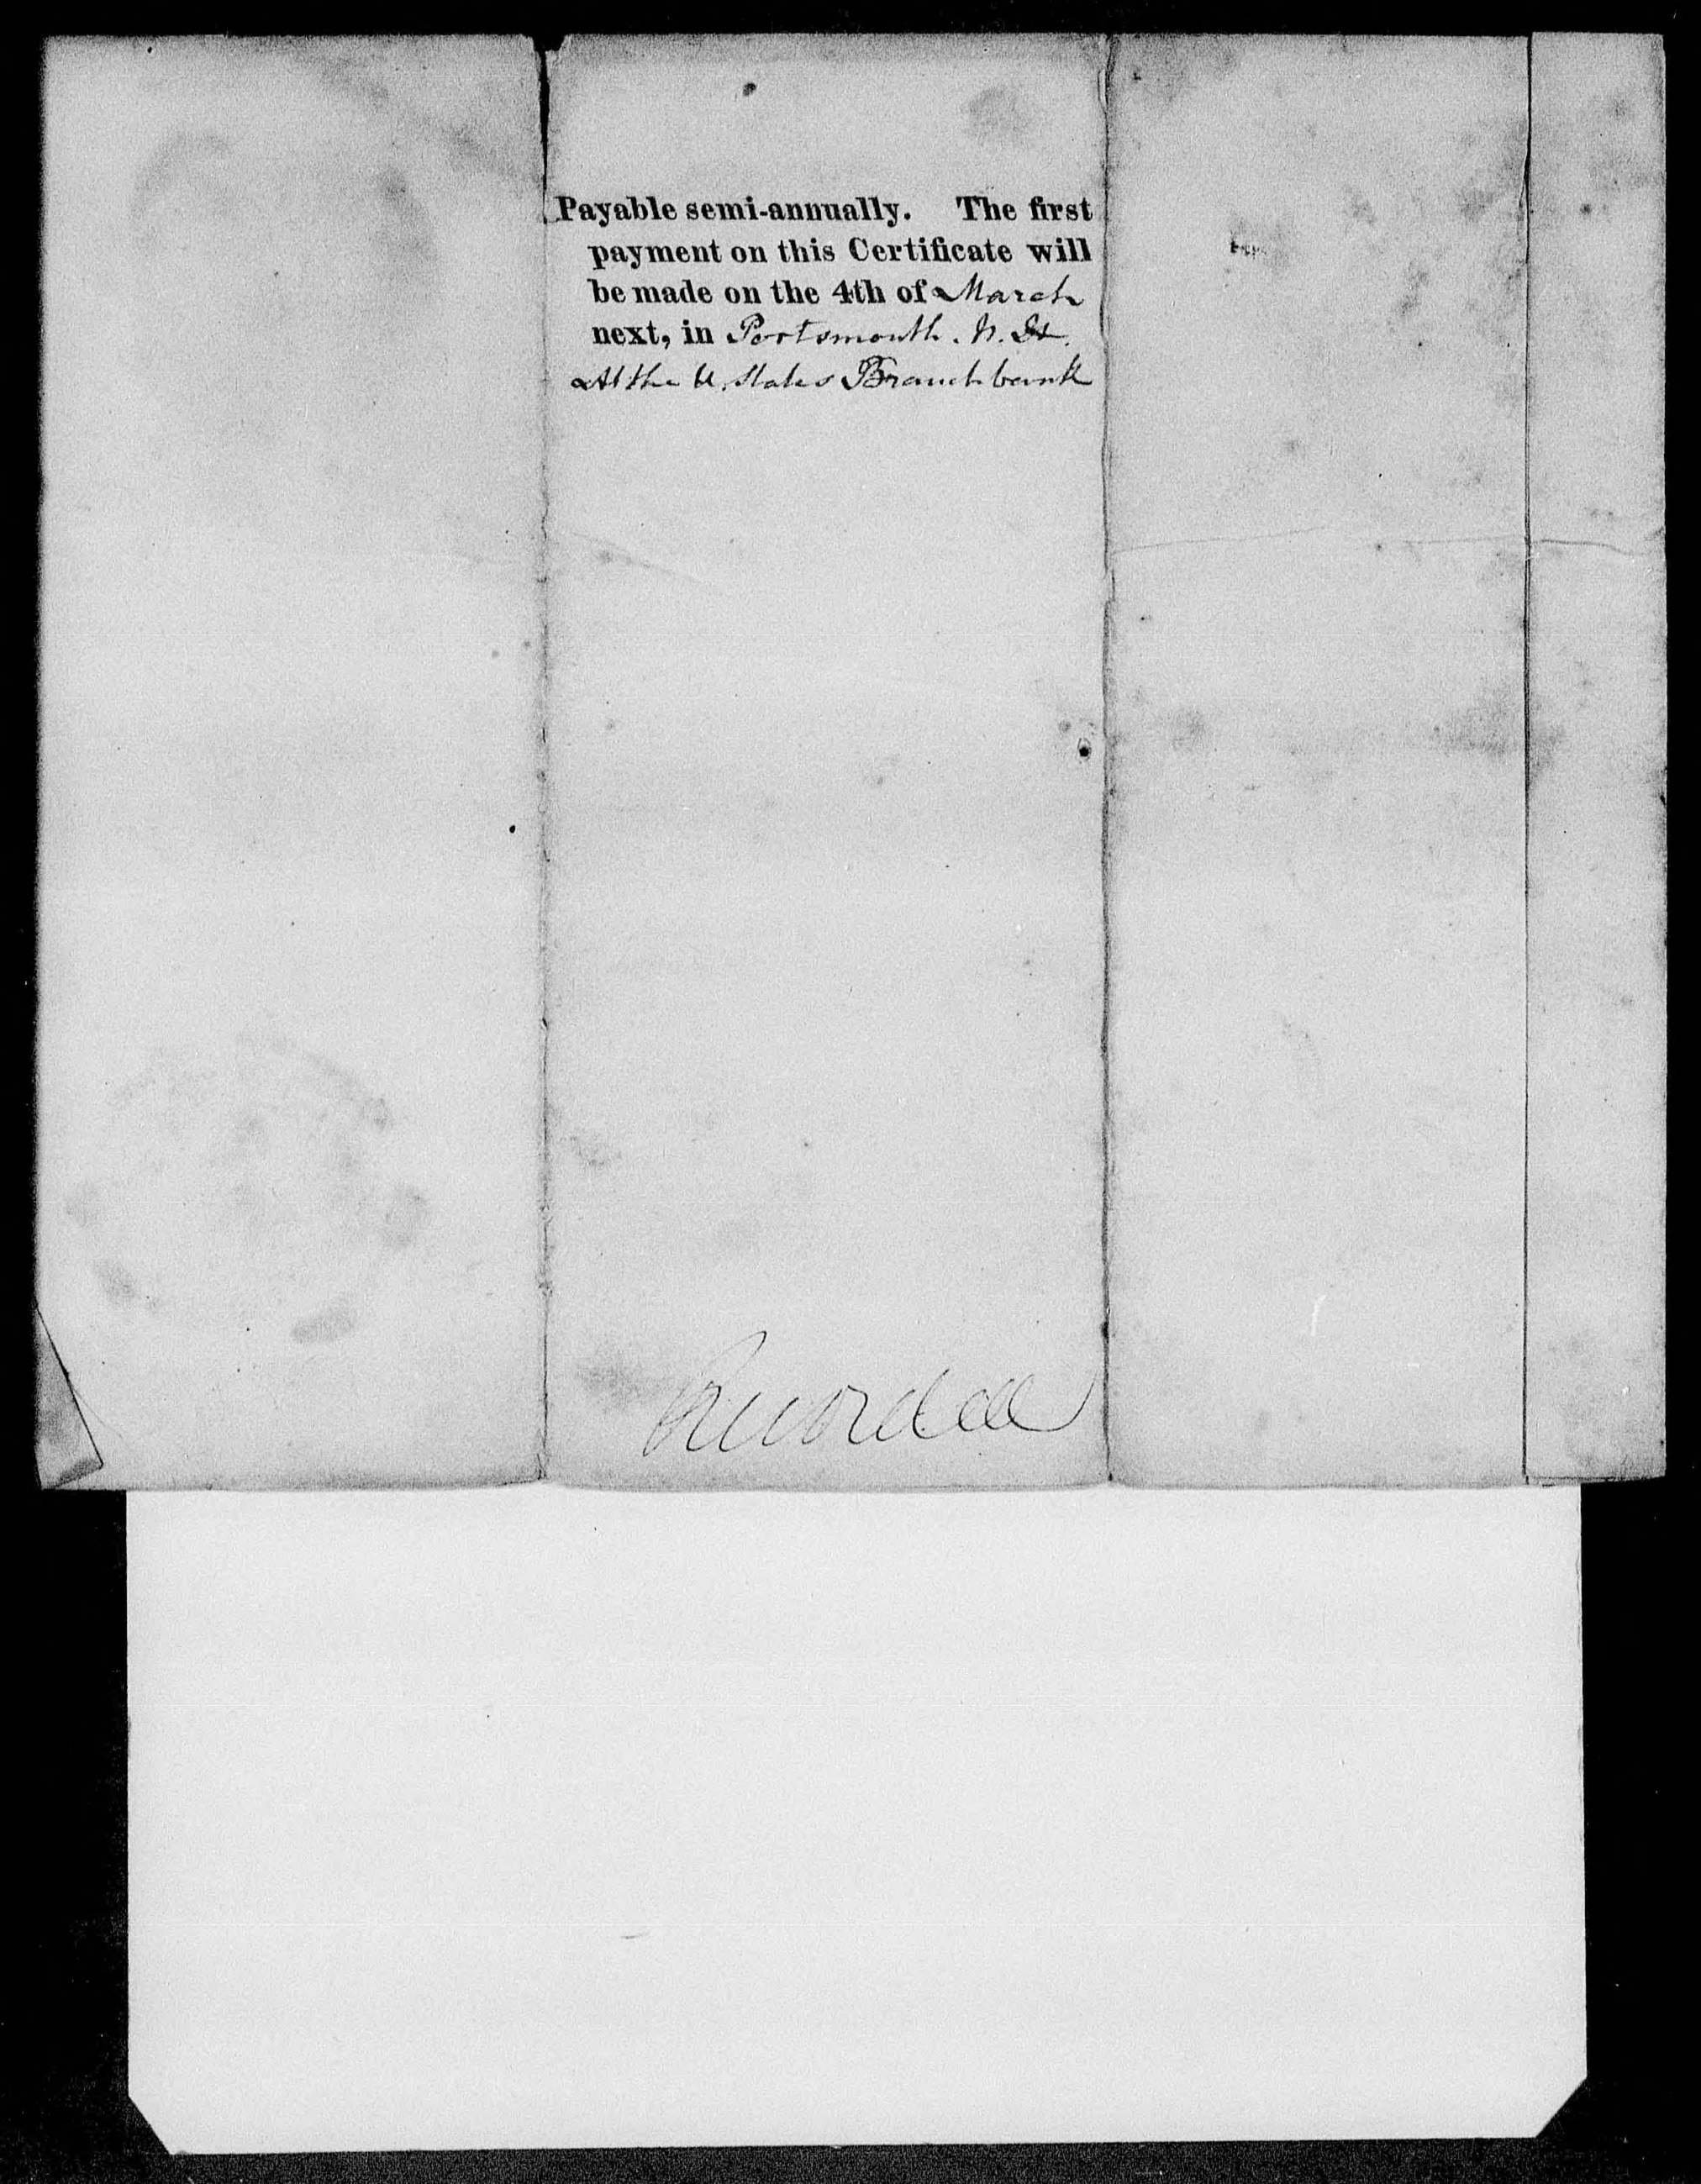Payable semi-annually. The first
payment on this Certificate will be
made on the 4th of March
next, in Portsmouth N.H.
At the U. States Branch bank

Recorded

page: 13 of 24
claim: survivor's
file: S. 17879, Perley Chase, Continental Mass.